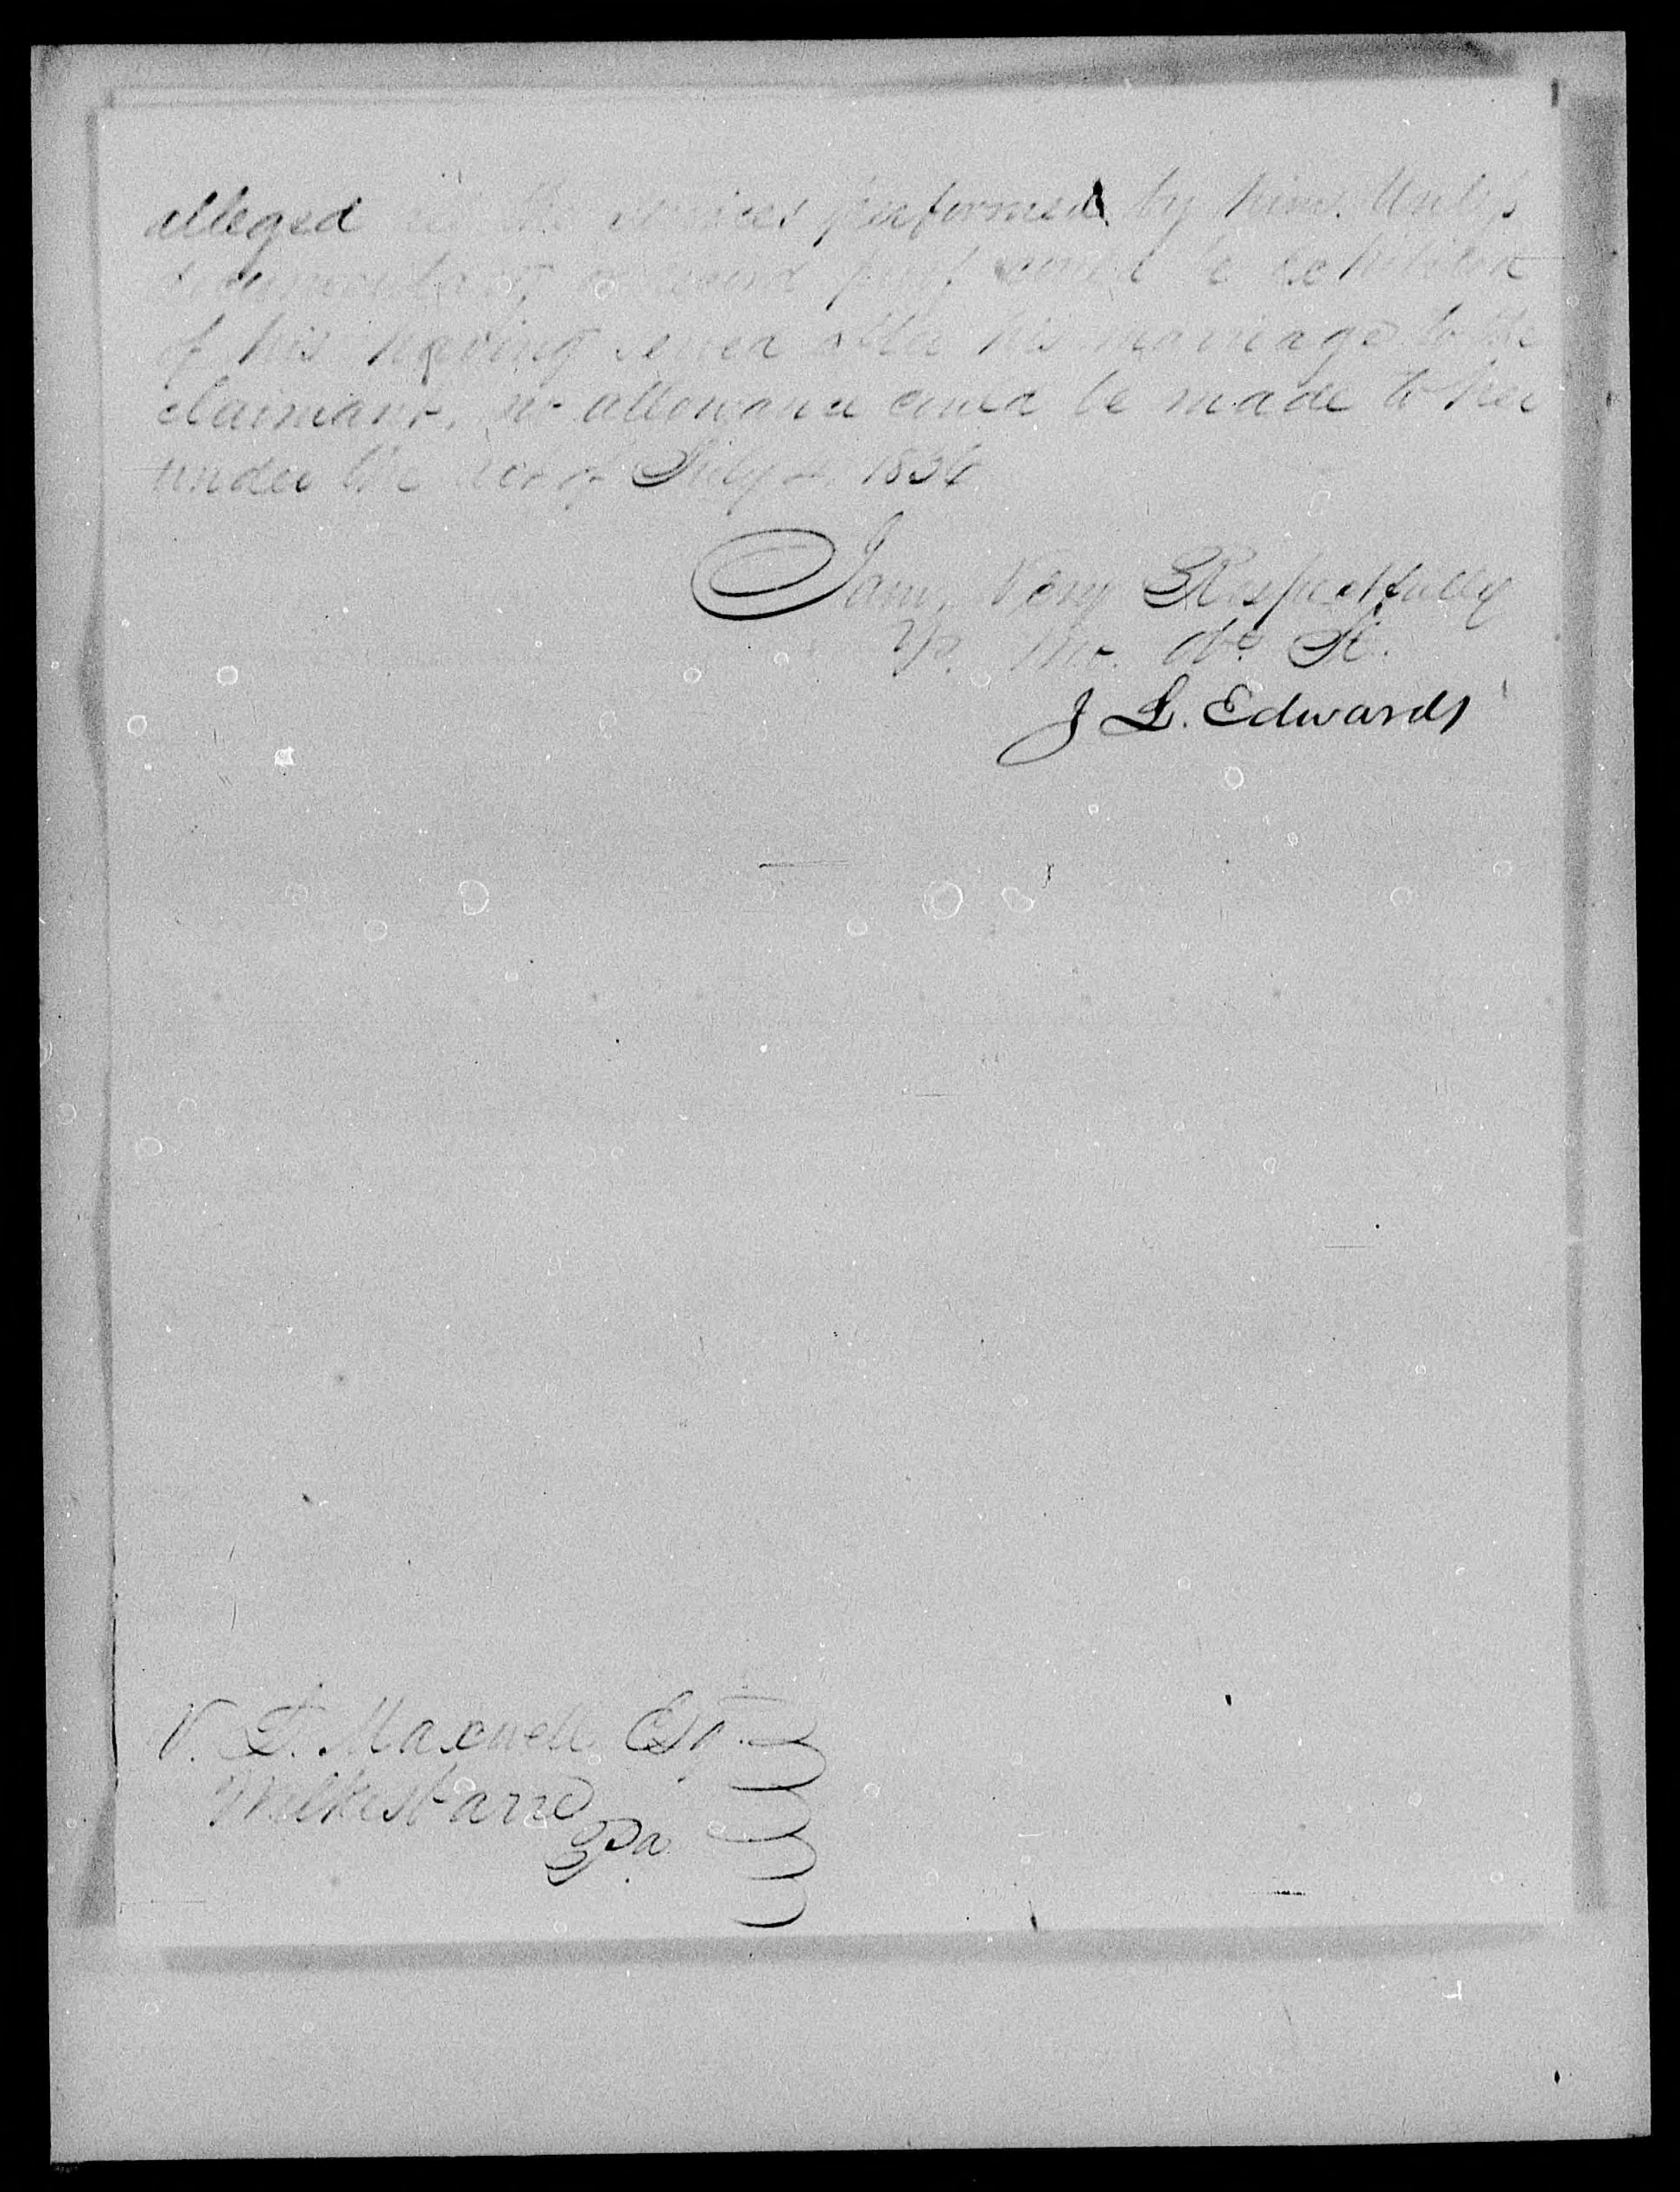alleged all the services performed by him. Unless [illegible] of his having ever [illegible] proof could be [illegible] his marriage to the claimant no allowance can be made to her under the Act of July 1834 
I am, Very respectfully Yr. Obt St.
J. L. Edwards . 


V. L. Maxwell Esq.
Wilkesbarre Pa.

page: 24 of 33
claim: widow's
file: W. 4592, for John Strong, New York